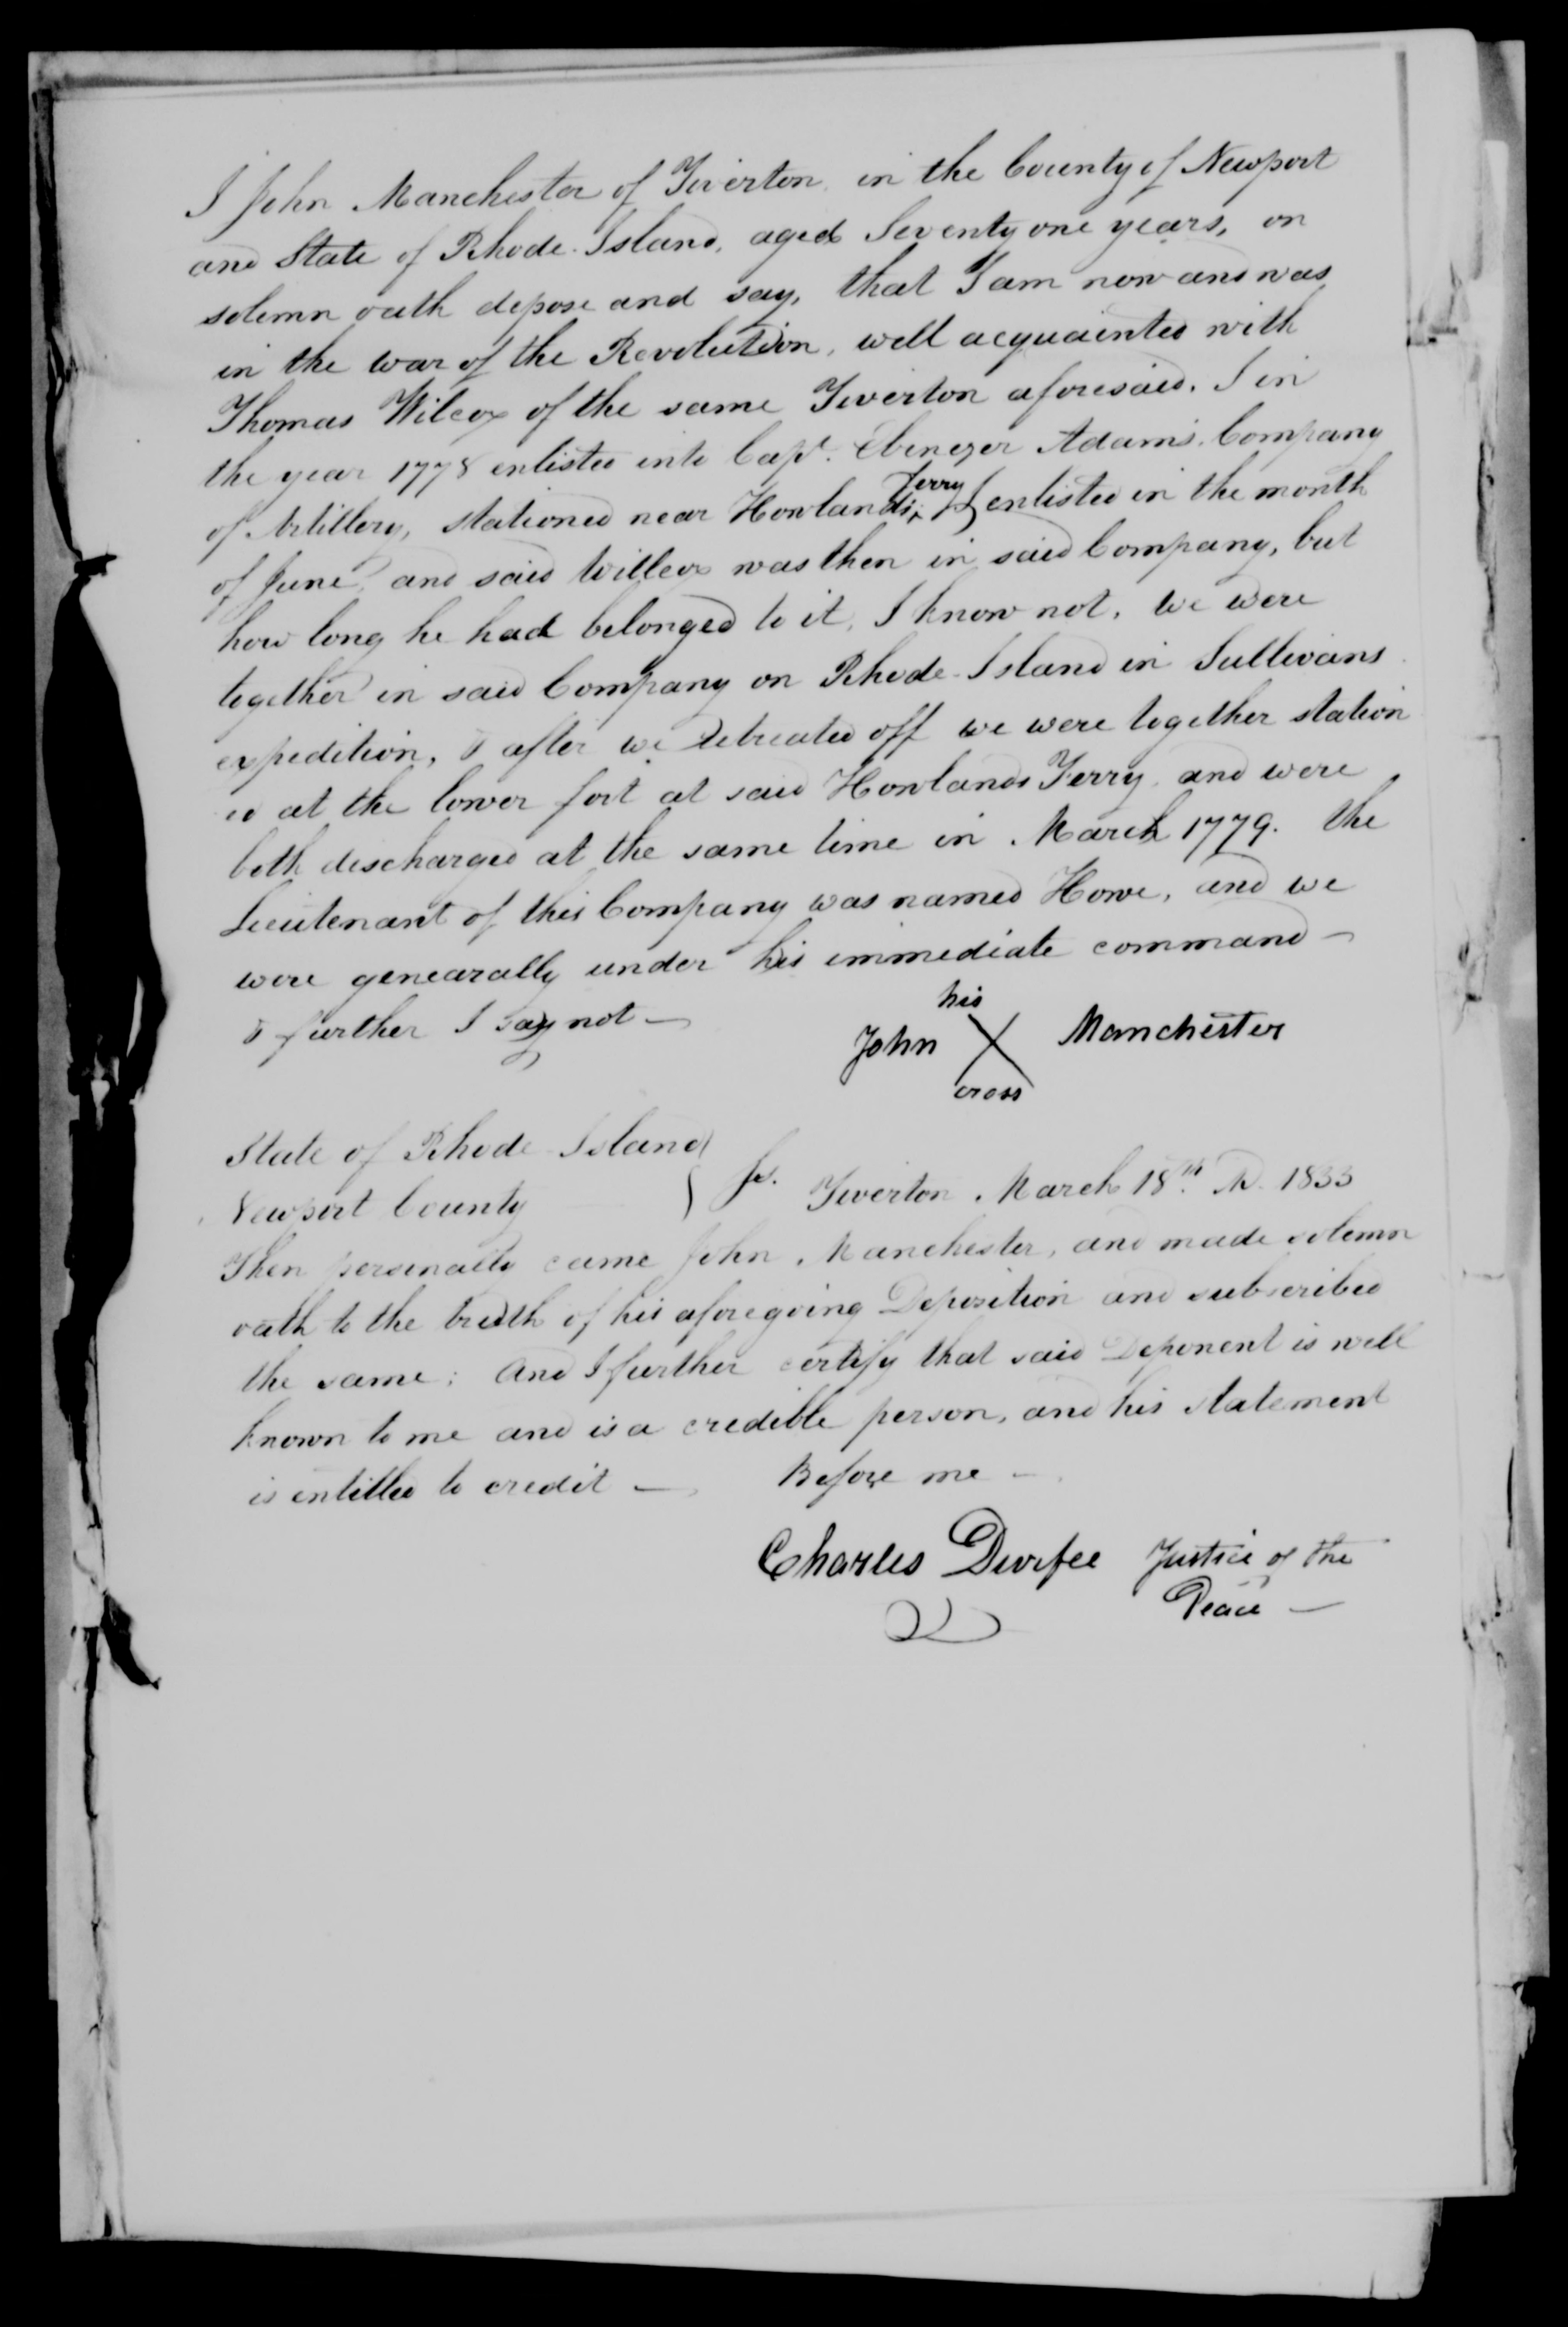I John Manchester of Tiverton in the County of Newport
and State of Rhode Island, aged Seventy one years, on
solemn oath depose and say, that I am now and was
in the war of the Revolution, well acquainted with
Thomas Wilcox of the same Tiverton aforesaid. I in
the year 1778 enlisted into Capt Ebenezer Adams Company
of Artillery, stationed near Howlands Ferry I enlisted in the month
of June and said Willcox was then in said Company, but
how long he had belonged to it, I know not, we were
together in said Company on Rhode Island in Sullivans
expedition, I after we retreated off we were together stationed
at the lower fort at said Howlands Ferry, and were
both discharged at the same time in March 1779. The
Lieutenant of this Company was named Howe, and we
were generally under his immediate command-
further I say not-

John
Manchester
his cross X

State of Rhode Island
Newbert County
[illegible]
Tiverton, March 18th AD. 1833
Then personally came John, Manchester, and made solemn
oath to the truth of his aforegoing Deposition and subscribed
the same; And I further certify that said Deponent is well
known to me and is a credible person, and his statement
is entitled to credit-
Before me
Charles Durfee [illegible]
Justice of the Peace-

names: Howe, Thomas Wilcox, John Manchester, Charles Durfee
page: 16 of 39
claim: widow's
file: W. 26046, Thomas Willcox, R.I.